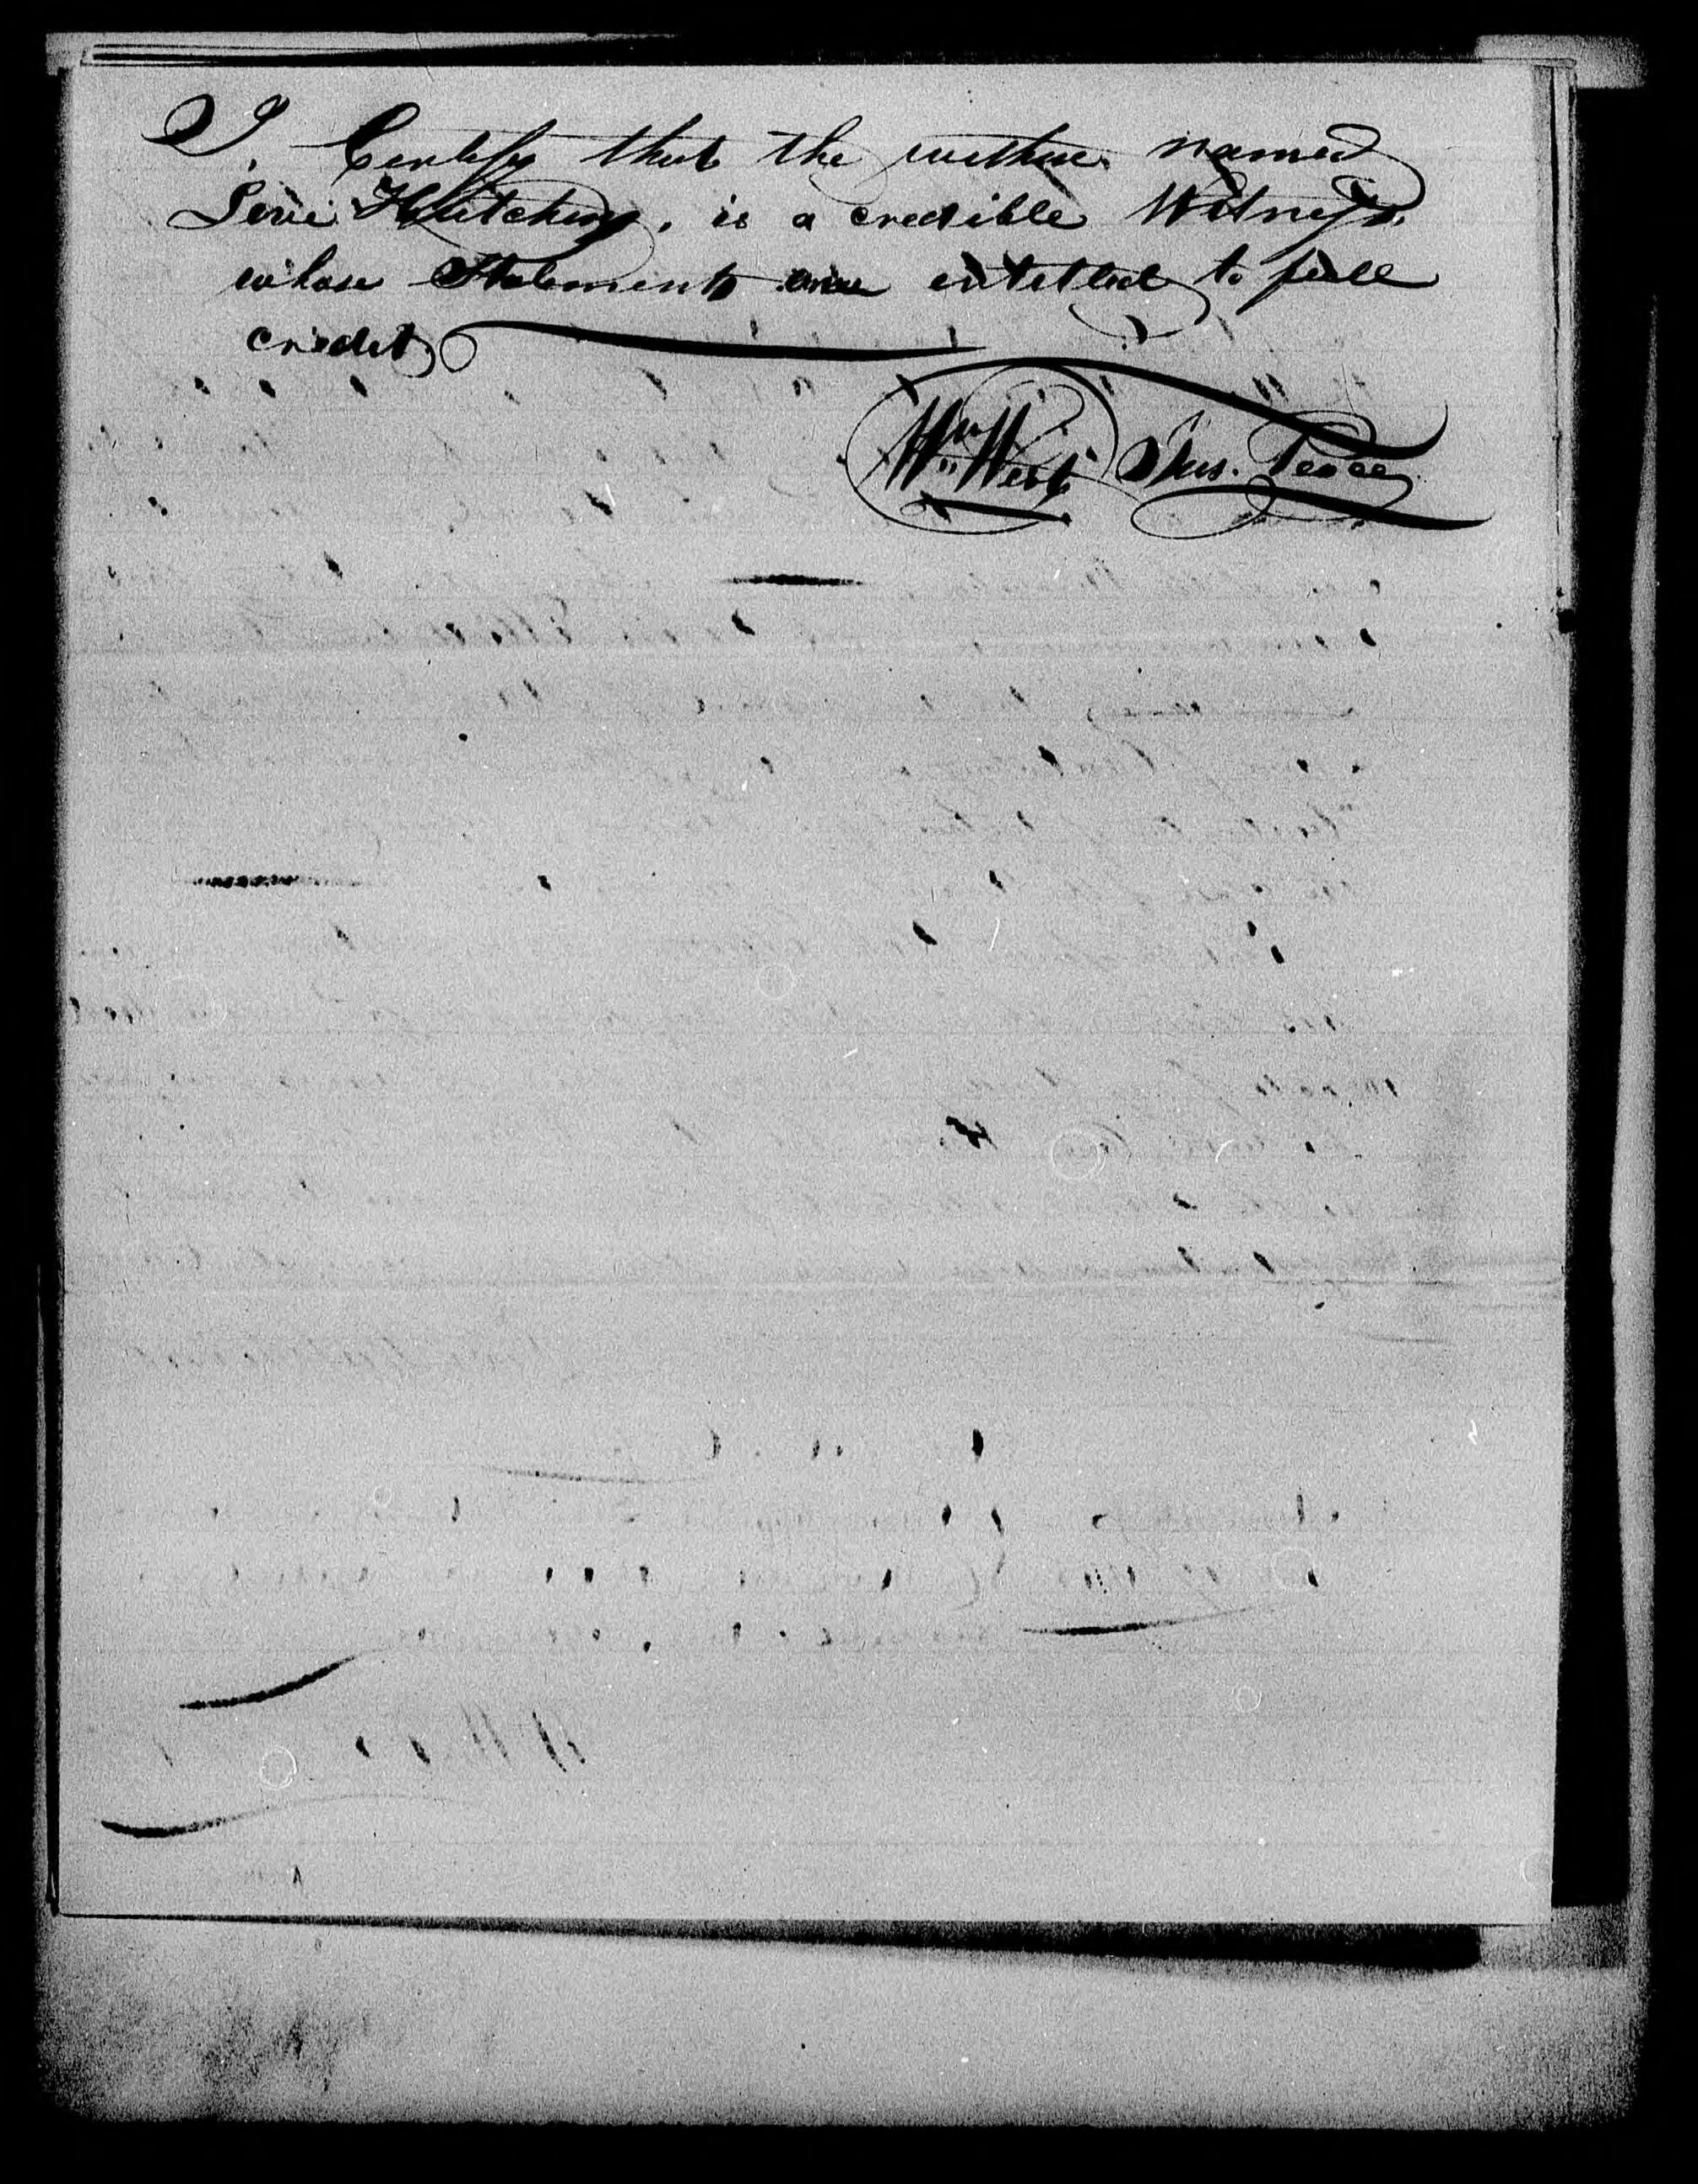I Certify that the within named
Levi Hutchins is a credible Witness,
whose statements are entitled to full
credit
.
-
Wm W. Jus Peace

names: Wm West, Levi Hutchins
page: 50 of 57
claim: widow's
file: W. 16,114, John Elliot, Continental (Mass) N.H.